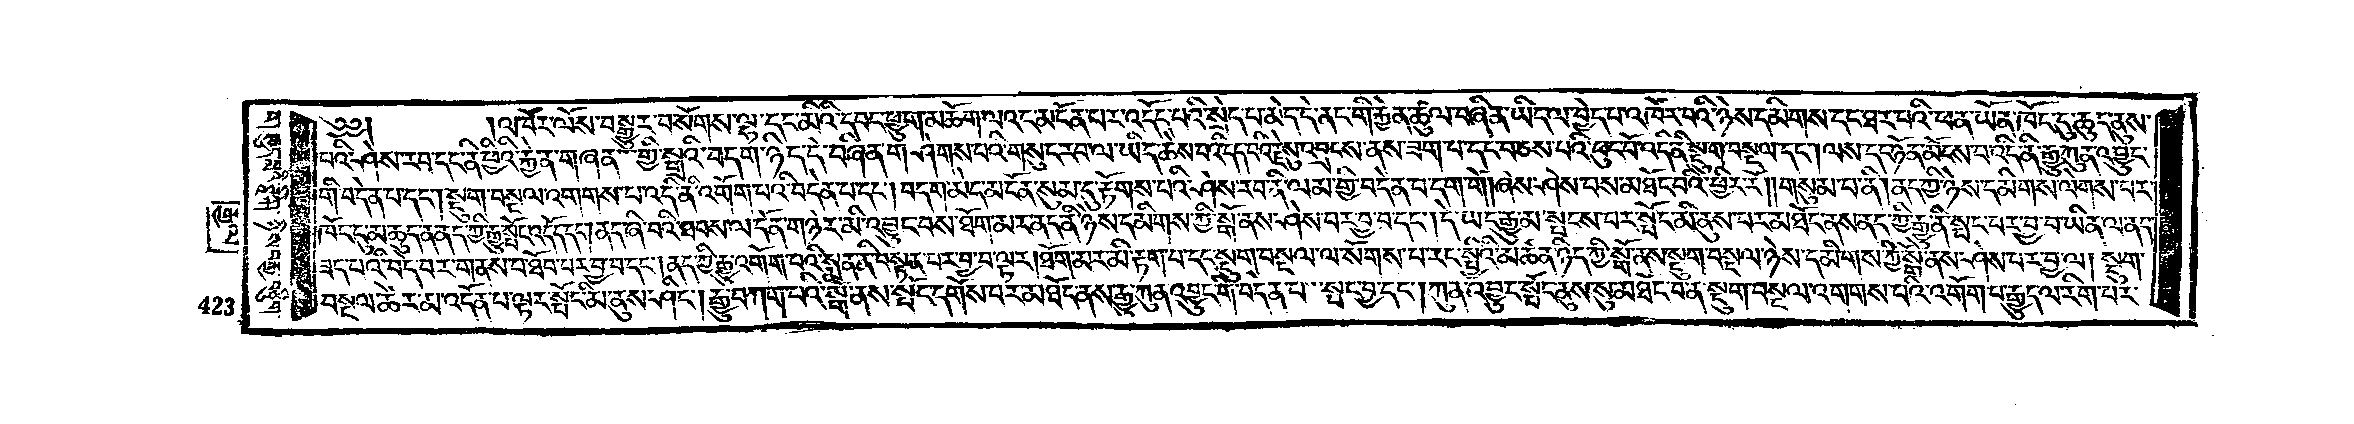༄༅། །འཁོར་ལོས་བསྒྱུར་བ་སོགས་ལྷ་དང་མིའི་དབང་ཕྱུག་མཆོག་ལའང་མངོན་པར་འདོད་པའི་སྲེད་པ་མེད་དེ་ནང་གི་རྐྱེན་ཚུལ་བཞིན་ཡིད་ལ་བྱེད་པ་འཁོར་བའི་ཉེས་དམིགས་དང་ཐར་པའི་ཕན་ཡོན་ཁོང་དུ་ཆུད་ནུས་
པའི་ཤེས་རབ་དང་ནི་ཕྱིའི་རྐྱེ་ན་གཞན་གྱི་སྒྲའི་བདག་ཉིད་དེ་བཞིན་གཤེགས་པའི་གསུང་རབ་ལ་ཡིད་ཆེས་པའི་དད་པའི་རྗེས་སུ་འབྲངས་ནས་ཟག་པ་དང་བཅས་པའི་ཕུང་པོ་འདི་ནི་སྡུག་བསྔལ་དང་། ལས་དང་ཉོན་མོངས་པ་འདི་ནི་རྒྱུ་ཀུན་འབྱུང་
གི་བདེན་པ་དང་། སྡུག་བསྔལ་འགགས་པ་འདི་ནི་འགོག་པའི་བདེན་པ་དང་། བདག་མེད་མངོན་སུམ་དུ་རྟོགས་པའི་ཤེས་རབ་ནི་ལམ་གྱི་བདེན་པ་དག་གོ། །ཞེས་ཤེས་པས་མཐོང་བའི་ཕྱིར་རོ། །གསུམ་པ་ནི། ནད་ཀྱི་ཉེས་དམིགས་ལེགས་པར་
ཁོང་དུ་མ་ཆུད་ན་ནད་ཀྱི་རྒྱུ་སྤོང་འདོད་དང་། ནད་ཞི་བའི་ཐབས་ལ་དོན་གཉེར་མི་འབྱུང་བས་ཐོག་མར་ནད་ནི་ཉེས་དམིགས་ཀྱི་སྒོ་ནས་ཤེས་པར་བྱ་བ་དང་། དེ་ཡང་རྒྱུ་མ་སྤངས་པར་སྤོང་མི་ནུས་པར་མཐོང་ནས་ནད་ཀྱི་རྒྱུ་ནི་སྤང་པར་བྱ་བ་ཡིན་ལ་ནད་
ཟད་པའི་བདེ་བར་གནས་པ་ཐོབ་པར་བྱ་བ་དང་། ནད་ཀྱི་རྒྱུ་འགོག་པའི་སྨན་ནི་བསྟན་པར་བྱ་བ་ལྟར། ཐོག་མར་མི་རྟག་པ་དང་སྡུག་བསྔལ་ལ་སོགས་པ་རང་སྤྱིའི་མཚན་ཉིད་ཀྱི་སྒོ་ནས་སྡུག་བསྔལ་ཉེས་དམིགས་ཀྱི་སྒོ་ནས་ཤེས་པར་བྱ་ལ། སྡུག་
བསྔལ་ཚེར་མ་འདོན་པ་ལྟར་སྤོང་མི་ནུས་ཤིང་། རྒྱུ་བཀག་པའི་སྒོ་ནས་སྤོང་དགོས་བར་མཐོང་ནས་རྒྱུ་ཀུན་འབྱུང་གི་བདེན་པ་སྤང་བྱ་དང་། ཀུན་འབྱུང་སྤོང་ནུས་སུ་མཐོང་བ་ན་སྡུག་བསྔལ་འགགས་པའི་འགོག་པ་རྒྱུད་ལ་རིག་པར་